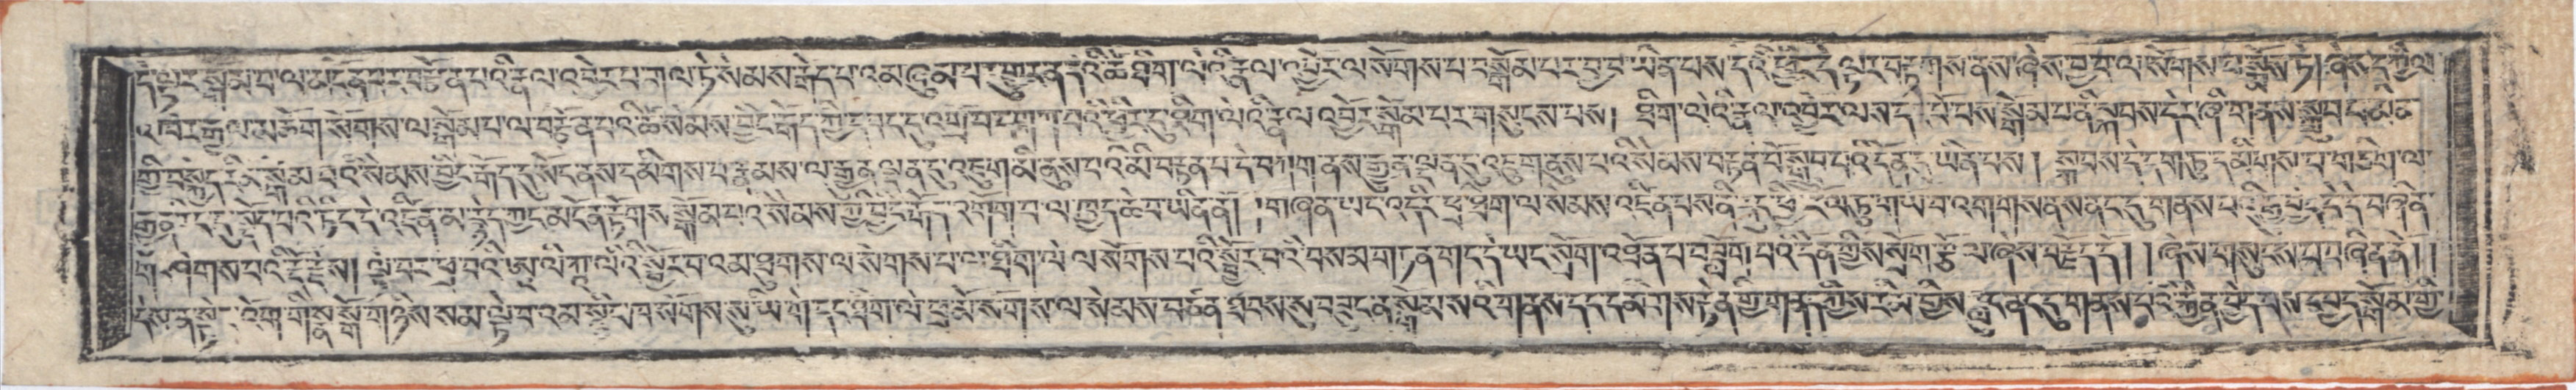དེ་ལྟར་སྒོམ་པ་ལ་མངོན་པར་བརྩོན་པའི་རྣལ་འབྱོར་པ་གལ་ཏེ་སེམས་རྒོད་པ་འམ་ཞུམ་པར་གྱུར་ན་དེའི་ཚེ་ཐིག་ལེའི་རྣལ་འབྱོར་ལ་སོགས་པ་བསྒོམ་པར་བྱ་བ་ཡིན་པས་དེའི་ཕྱིར་དེ་ལྟར་བརྟགས་ནས་ཞེས་བྱ་བ་ལ་སོགས་པ་སྨོས་ཏེ། ཞེས་དཀྱིལ་
འཁོར་རྒྱལ་མཆོག་སོགས་ལ་སྒོམ་པ་ལ་བརྩོན་པའི་ཚེ་སེམས་བྱིང་རྒོད་ཀྱི་དབང་དུ་འགྲོ་བ་དགག་པའི་ཕྱིར་དུ་ཐིག་ལེའི་རྣལ་འབྱོར་སྒོམ་པར་གསུངས་པས། ཐིག་ལེའི་རྣལ་འབྱོར་ལས་དང་པོ་པས་སྒོམ་པ་ནི་སྐབས་དེར་ཞི་གནས་སྒྲུབ་པ་མིན་
གྱི་བསྐྱེད་རིམ་སྒོམ་པའི་སེམས་བྱིང་རྒོད་དུ་སོང་ནས་དམིགས་པ་རྣམས་ལ་རྒྱུན་ལྡན་དུ་འཇུག་མི་ནུས་པའི་མི་བརྟན་པ་དེ་བཀག་ནས་རྒྱུན་ལྡན་དུ་འཇུག་ནུས་པའི་སེམས་བརྟན་པོ་སྒྲུབ་པའི་དོན་དུ་ཡིན་པས། སྐབས་དེ་དག་ཏུ་དམིགས་པ་གཅིག་ལ་
རྒྱུན་རིང་དུ་སྡོད་པའི་ཏིང་ངེ་འཛིན་མ་རྙེད་ཀྱང་མངོན་རྟོགས་སྒོམ་པའི་སེམས་ཀྱི་བྱིང་རྒོད་འགོག་པ་ལ་ཁྱད་ཆེ་བ་ཡིན་ནོ། །གཞན་ཡང་འདིར་ཕྲ་ཐིག་ལ་སེམས་འཛིན་པས་ནི་རླུང་ཕྱི་རོལ་ཏུ་གཡོ་བ་འགགས་ནས་ནང་དུ་གནས་པའི་རྒྱུ་བྱེད་དེ་དེ་བཞིན་
གཤེགས་པའི་རྡོ་རྗེས། ལྟེ་བར་ཕྲ་བའི་ཨཱ་ལི་ཀཱ་ལིའི་སྦྱོར་བ་འམ་ཐུགས་ལ་སོགས་པ་ལ་ཐིག་ལེ་ལ་སོགས་པའི་སྦྱོར་བའི་བསམ་གཏན་གང་དེ་ཡང་སྲོག་འཐོན་པ་བཟློག་པའི་དོན་གྱིས་སྲོག་རྩོལ་ཞེས་བརྗོད་དོ། །ཞེས་གསུངས་པ་བཞིན་ནོ། །
དེས་ན་སྟེང་འོག་གི་སྣ་སྒོ་གཉིས་སམ་ལྟེ་བ་འམ་སྙིང་ཁ་སོགས་སུ་ཡི་གེ་དང་ཐིག་ལེ་ཕྲ་མོ་སོགས་ལ་སེམས་བཙན་ཐབས་སུ་བཟུང་ན་སྒོམ་སའི་གནས་དང་དམིགས་རྟེན་གྱི་གནད་ཀྱིས་རིམ་གྱིས་རླུང་ནང་དུ་གནས་པའི་རྐྱེན་བྱེད་པས་དཔྱད་སྒོམ་གྱི་